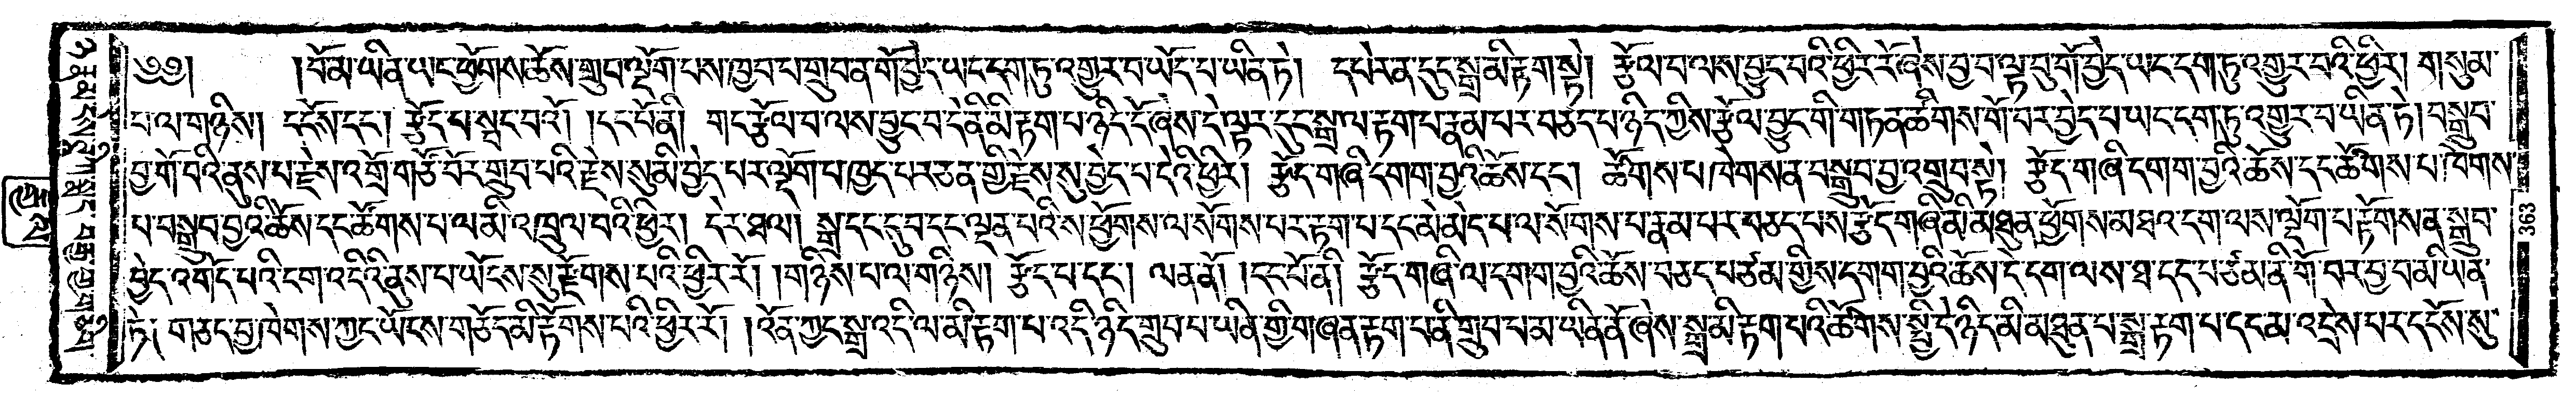༄༅། །བོ་མ་ཡིན་ཡང་ཕྱོགས་ཆོས་གྲུབ་ལྡོག་པས་ཁྱབ་པ་གྲུབ་ན་གོ་བྱེད་ཡང་དག་ཏུ་འགྱུར་བ་ཡོད་པ་ཡིན་ཏེ། དཔེར་ན་དུང་སྒྲ་མི་རྟག་སྟེ། རྩོལ་བ་ལས་བྱུང་བའི་ཕྱིར་རོ་ཞེས་བྱ་བ་ལྟ་བུ་གོ་བྱེད་ཡང་དག་ཏུ་འགྱུར་བའི་ཕྱིར། གསུམ་
པ་ལ་གཉིས། དངོས་དང་། རྩོད་པ་སྤང་བའོ། །དང་པོ་ནི། གང་རྩོལ་བ་ལས་བྱུང་བ་དེ་ནི་མི་རྟག་པ་ཉིད་དོ་ཞེས་དེ་ལྟར་དུང་སྒྲ་ལ་རྟག་པ་རྣམ་པར་བཅད་པ་ཉིད་ཀྱིས་རྩོལ་བྱུང་གི་གཏན་ཚིགས་གོ་བར་བྱེད་པ་ཡང་དག་ཏུ་འགྱུར་བ་ཡིན་ཏེ། བསྒྲུབ་
བྱ་གོ་བའི་ནུས་པ་རྗེས་འགྲོ་གཙོ་བོར་གྲུབ་པའི་རྗེས་སུ་མི་བྱེད་པར་ལྡོག་པ་ཁྱད་པར་ཅན་གྱི་རྗེས་སུ་བྱེད་པ་དེའི་ཕྱིར། རྩོད་གཞི་དགག་བྱའི་ཆོས་དང་། ཚོགས་པ་ཁེགས་ན་བསྒྲུབ་བྱ་འགྲུབ་སྟེ། རྩོད་གཞི་དགག་བྱའི་ཆོས་དང་ཚོགས་པ་ཁེགས་
པ་བསྒྲུབ་བྱའི་ཆོས་དང་ཚོགས་པ་ལ་མི་འཁྲུལ་བའི་ཕྱིར། དེར་ཐལ། སྒྲ་དང་དུ་བ་དང་ལྡན་པའི་ས་ཕྱོགས་ལ་སོགས་པར་རྟག་པ་དང་མེ་མེད་པ་ལ་སོགས་པ་རྣམ་པར་བཅད་པས་རྩོད་གཞི་མི་མཐུན་ཕྱོགས་མཐའ་དག་ལས་ལྡོག་པ་རྟོགས་ན་སྒྲུབ་
བྱེད་འགོད་པའི་ངག་འདིའི་ནུས་པ་ཡོངས་སུ་རྫོགས་པའི་ཕྱིར་རོ། །གཉིས་པ་ལ་གཉིས། རྩོད་པ་དང་། ལན་ནོ། །དང་པོ་ནི། རྩོད་གཞི་ལ་དགག་བྱའི་ཆོས་བཅད་པ་ཙམ་གྱིས་དགག་བྱའི་ཆོས་དེ་དག་ལས་ཐ་དད་པ་ཙམ་ནི་གོ་བར་བྱ་བ་མི་ཡིན་
ཏེ༑ གཅད་བྱ་ཁེགས་ཀྱང་ཡོངས་གཅོད་མི་རྟོགས་པའི་ཕྱིར་རོ། །འོན་ཀྱང་སྒྲ་འདི་ལ་མི་རྟག་པ་འདི་ཉིད་གྲུབ་པ་ཡིན་གྱི་གཞན་རྟག་པ་ནི་གྲུབ་པ་མ་ཡིན་ནོ་ཞེས་སྒྲ་མི་རྟག་པའི་ཚོགས་སྤྱི་དེ་ཉིད་མི་མཐུན་པ་སྒྲ་རྟག་པ་དང་མ་འདྲེས་པར་དངོས་སུ་